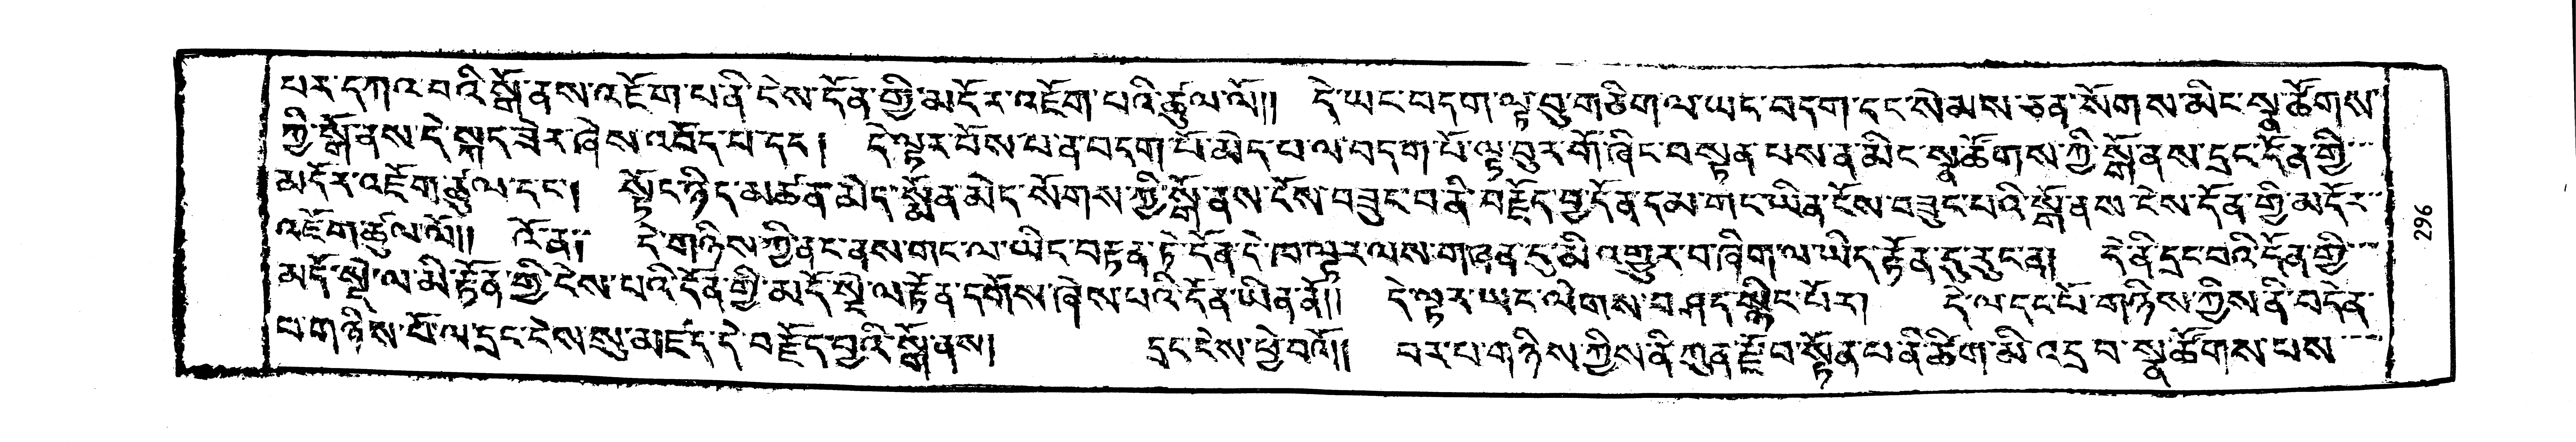པར་དཀའ་བའི་སྒོ་ནས་འཇོག་པ་ནི་ངེས་དོན་གྱི་མདོར་འཇོག་པའི་ཚུལ་ལོ། །དེ་ཡང་བདག་ལྟ་བུ་གཅིག་ལ་ཡང་བདག་དང་སེམས་ཅན་སོགས་མིང་སྣ་ཚོགས་
ཀྱི་སྒོ་ནས་དེ་སྐད་ཟེར་ཞེས་འབོད་པ་དང་། དེ་ལྟར་བོས་པ་ན་བདག་པོ་མེད་པ་ལ་བདག་པོ་ལྟ་བུར་གོ་ཞིང་བསྟན་པས་ན་མིང་སྣ་ཚོགས་ཀྱི་སྒོ་ནས་དྲང་དོན་གྱི་
མདོར་འཇོག་ཚུལ་དང་། སྟོང་ཉིད་མཚན་མེད་སྨོན་མེད་སོགས་ཀྱི་སྒོ་ནས་ངོས་བཟུང་བ་ནི་བརྗོད་བྱ་དོན་དམ་གང་ཡིན་ངོས་བཟུང་བའི་སྒོ་ནས་ངེས་དོན་གྱི་མདོར་
འཇོག་ཚུལ་ལོ། །འོ་ན། དེ་གཉིས་ཀྱི་ནང་ནས་གང་ལ་ཡིད་བརྟན་ཏེ་དོན་དེ་ཁ་ལྟར་ལས་གཞན་དུ་མི་འགྱུར་བ་ཞིག་ལ་ཡིད་རྟོན་དུ་རུང་ན། དེ་ནི་དྲང་བའི་དོན་གྱི་
མདོ་སྡེ་ལ་མི་རྟོན་གྱི་ངེས་པའི་དོན་གྱི་མདོ་སྡེ་ལ་རྟོན་དགོས་ཞེས་པའི་དོན་ཡིན་ནོ། །དེ་ལྟར་ཡང་ལེགས་བཤད་སྙིང་པོར། དེ་ལ་དང་པོ་གཉིས་ཀྱིས་ནི་བདེན་
པ་གཉིས་པོ་ལ་དྲང་ངེས་སུ་མཛད་དེ་བརྗོད་བྱའི་སྒོ་ནས། དྲང་ངེས་ཕྱེ་བའོ། །བར་པ་གཉིས་ཀྱིས་ནི་ཀུན་རྫོབ་སྟོན་པ་ནི་ཚིག་མི་འདྲ་བ་སྣ་ཚོགས་པས་